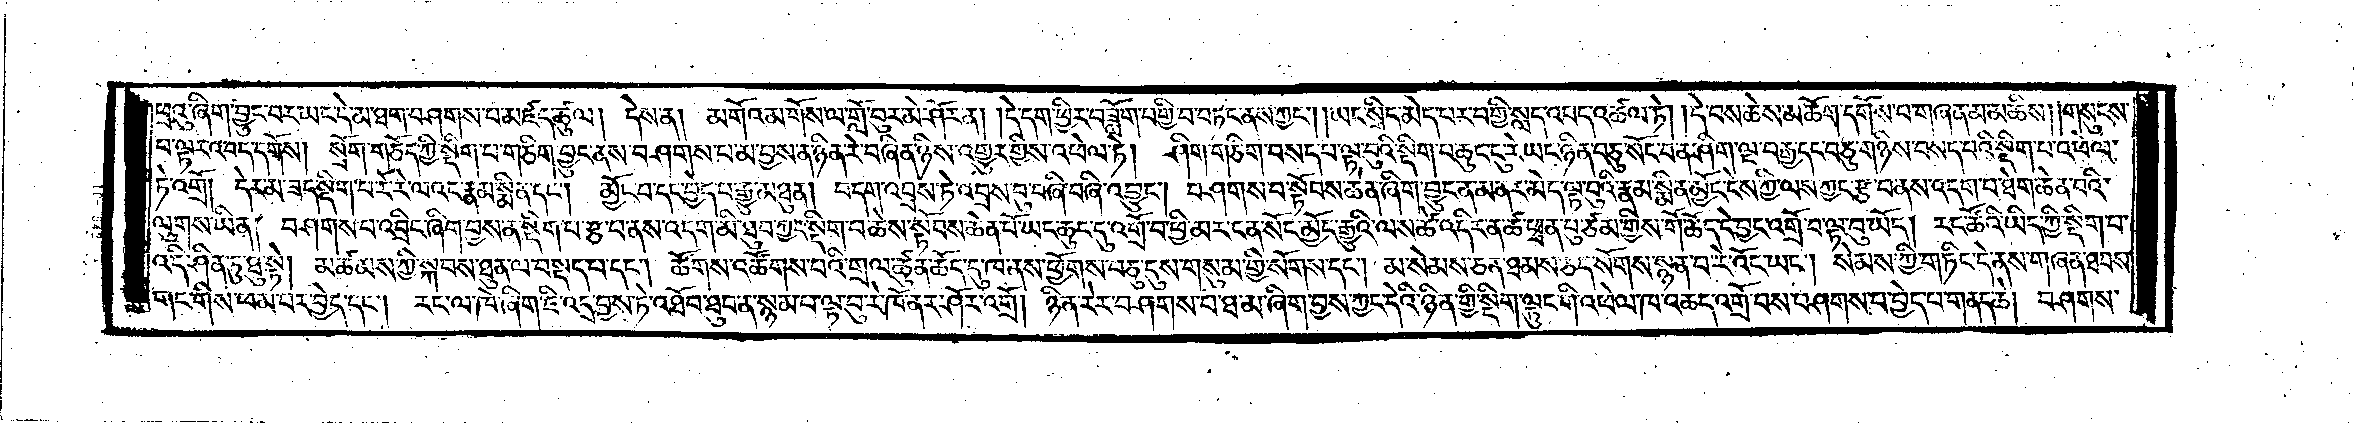ཕྲའུ་ཞིག་བྱུང་བར་ཡང་དེ་མ་ཐག་བཤགས་པ་མཛད་ཚུལ། དེས་ན། མགོའམ་གོས་ལ་གློ་བུར་མེ་ཤོར་ན། །དེ་དག་ཕྱིར་བཟློག་བགྱི་པ་བཏང་ནས་ཀྱང་། །ཡང་སྲིད་མེད་པར་བགྱི་སླད་འབད་འཚལ་ཏེ། །དེ་བས་ཆེས་མཆོག་དགོས་པ་གཞན་མ་མཆིས། །གསུངས་
པ་ལྟར་འབད་དགོས། སྲོག་གཅོད་ཀྱི་སྡིག་པ་གཅིག་བྱུང་ནས་བཤགས་པ་མ་བྱས་ན་ཉིན་རེ་བཞིན་ཉིས་འགྱུར་གྱིས་འཕེལ་ཏེ། ཤིག་གཅིག་བསད་པ་ལྟ་བུའི་སྡིག་པ་ཆུང་དུ་རེ་ཡང་ཉིན་བཅུ་སོང་བ་ན་ཤིག་ལྔ་བརྒྱ་དང་བཅུ་གཉིས་བསད་པའི་སྡིག་པ་འཕེལ་
ཏེ་འགྲོ། དེར་མ་ཟད་སྡིག་པ་རེ་རེ་ལའང་རྣམ་སྨིན་དང་། མྱོང་བ་དང་བྱེད་པ་རྒྱུ་མཐུན། བདག་འབྲས་ཏེ་འབྲས་བུ་བཞི་བཞི་འབྱུང་། བཤགས་པ་སྟོབས་ཆེན་ཞིག་བྱུང་ན་མནར་མེད་ལྟ་བུའི་རྣམ་སྨིན་མྱོང་ངེས་ཀྱི་ལས་ཀྱང་རྩ་བ་ནས་འདག་པ་ཐེག་ཆེན་པའི་
ལུགས་ཡིན། བཤགས་པ་འབྲིང་ཞིག་བྱས་ན་སྡིག་པ་རྩ་བ་ནས་འདག་མི་ཐུབ་ཀྱང་སྡིག་པ་ཆེས་སྟོབས་ཆེན་པོ་ཡང་ཆུང་དུ་འགྲོ་བ་ཕྱི་མར་ངན་སོང་མྱོང་རྒྱུའི་ལས་ཚེ་འདིར་ན་ཚ་ཕྲན་བུ་ཙམ་གྱིས་གོ་ཆོས་དེ་བྱང་འགྲོ་བ་ལྟ་བུ་ཡོད། རང་ཚོའི་ཡིད་ཀྱི་སྡིག་པ་
འདི་ཤིན་ཏུ་ཐུ་སྟེ། མཚམས་ཀྱི་སྐབས་ཐུན་ལ་བསྡད་པ་དང་། ཚོགས་འཚོགས་པའི་གྲལ་ཚུན་ཆོད་དུ་ཁ་ནས་ཕྱོགས་བཅུ་དུས་གསུམ་གྱི་སོགས་དང་། མ་སེམས་ཅན་ཐམས་ཅད་སོགས་སྙན་པ་རེ་འོང་ཡང་། སེམས་ཀྱི་གཏིང་དེ་ནས་གཞན་ཐབས་
གང་གིས་ཕམ་པར་བྱེད་དང་། རང་ལ་ཁེ་ཞིག་ཇི་འདྲ་བྱས་ཏེ་འཐོབ་ཐུབ་ན་སྙམ་པ་ལྟ་བུ་རེ་ཁོ་ནར་ཤོར་འགྲོ། ཉིན་རེར་བཤགས་པ་ཐ་མ་ཞིག་བྱས་ཀྱང་དེའི་ཉིན་གྱི་སྡིག་ལྟུང་གི་འཕེལ་ཁ་འཆད་འགྲོ་བས་བཤགས་པ་བྱེད་པ་གནད་ཆེ། བཤགས་